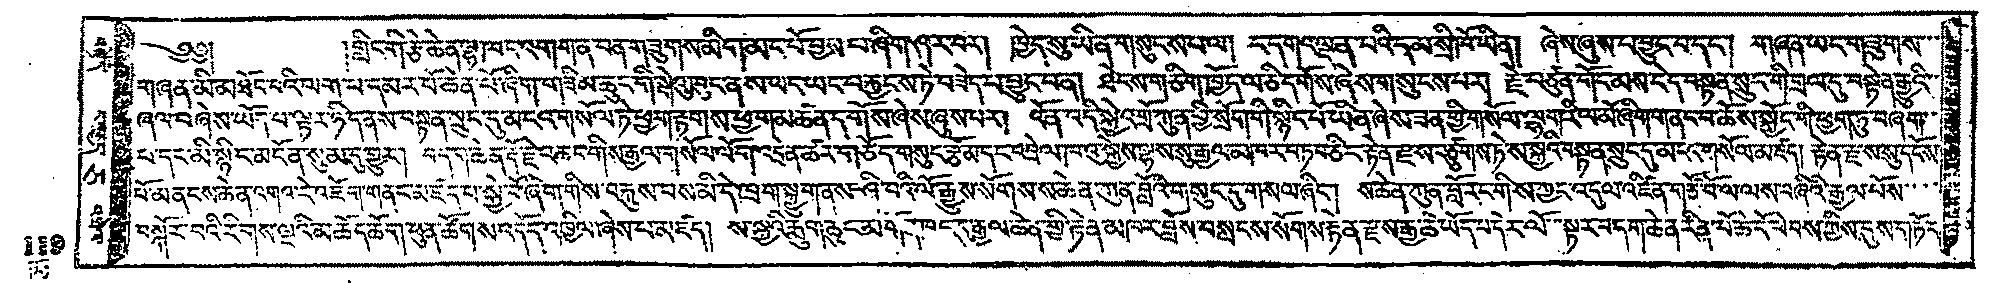༄༅། །གླིང་གི་རྩེ་ཆེན་ལྷ་ཁང་འགག་ན་བན་གཟུགས་མིག་མང་པོ་བྱས་པ་ཞིག་ཤར་བར། ཁྱེད་སུ་ཡིན་གསུངས་པ་ལ། ང་དགའ་ལྡན་པའི་དམ་སྲི་ཁོ་ཡིན། ཞེས་ཞུས་པ་བྱུང་བ་དང་། གཞན་ཡང་གཟུགས་
གཞན་མི་མཐོང་བའི་ལག་པ་དམར་པོ་ཆེན་པོ་ཞིག་གཟིམ་ཆུང་གི་སྒེའུ་ཁུང་ནས་ཡང་ཡང་བརྐྱངས་ཏེ་བཟེད་པ་བྱུང་བ་ན། ཐེངས་གཅིག་ཁྱོད་ལ་ཅི་དགོས་ཞེས་གསུངས་པར། རྗེ་བཙུན་གོང་མས་ངེད་བསྟན་སྲུང་གི་གྲལ་དུ་བསྟེན་རྒྱུའི་
ཞལ་བཞེས་ཡོད་པ་ལྟར་ཉིད་ནས་བསྟན་སྲུང་དུ་མངའ་གསོལ་ཏེ་ཕྱག་རྟགས་ཕྱག་མཚན་དགོས་ཞེས་ཞུས་པར། འོ་ན་འདི་སྐྱེ་འགྲོ་ཀུན་བྱི་སྲོག་གི་སྙིང་པོ་ཡིན་ཞེས་ཟན་གྱི་གསོལ་ལྷག་རིལ་མོ་ཞིག་གནང་བ་ཆོས་སྐྱོང་གི་ཕྱག་ཏུ་བཞག་
པ་དང་མི་སྙིང་མངོན་སུམ་དུ་གྱུར། བདག་ཆེན་རྡོ་རྗེ་འཆང་གིས་རྒྱལ་གསོལ་ལོག་འདྲེན་ཚར་གཅོད་གསུང་རྩོམ་དང་འབྲེལ་ཁ་འུ་སྐྱེས་ལྷས་སུ་རྒྱལ་མཁར་བཏབ་ཅིང་རྟེན་རྫས་བཙུགས་ཏེ་ས་སྐྱའི་བསྟན་སྲུང་དུ་མངའ་གསོལ་མཛད། རྟེན་རྫས་སུ་དངོས་
པོ་མནངས་ཆེན་འགའ་རེ་འཇོག་གནང་མཛད་པ་སྐྱེ་བོ་ཞིག་གིས་བརྐུས་པས་མི་དེ་ཁྲག་སྐྱུག་ནས་ཤི་བའི་ལོ་རྒྱུས་སོགས་ས་ཆེན་ཀུན་བློའི་གསུང་དུ་གསལ་ཞིང་། ས་ཆེན་ཀུན་བློ་རང་གིས་ཀྱང་འདུལ་འཛིན་གཙོ་བོ་ལ་ལས་བཞིའི་རྒྱལ་པོས་
བསྐོར་བའི་རིགས་ལྔའི་མཆོད་ཆོག་ཕུན་ཚོགས་འདོད་འཁྱིལ་ཞེས་པ་མཛད། ས་སྐྱའི་རྨུག་ཆུང་མགོན་ཁང་དུ་རྒྱལ་ཆེན་གྱི་རྟེན་མཁར་བློས་བསླངས་སོགས་རྟེན་རྫས་རྒྱ་ཆེ་ཡོད་པ་དེར་ལོ་སྟར་བདག་ཆེན་རིན་པོ་ཆེ་ངོ་ཕེབས་ཀྱིས་དུས་གཏོར་